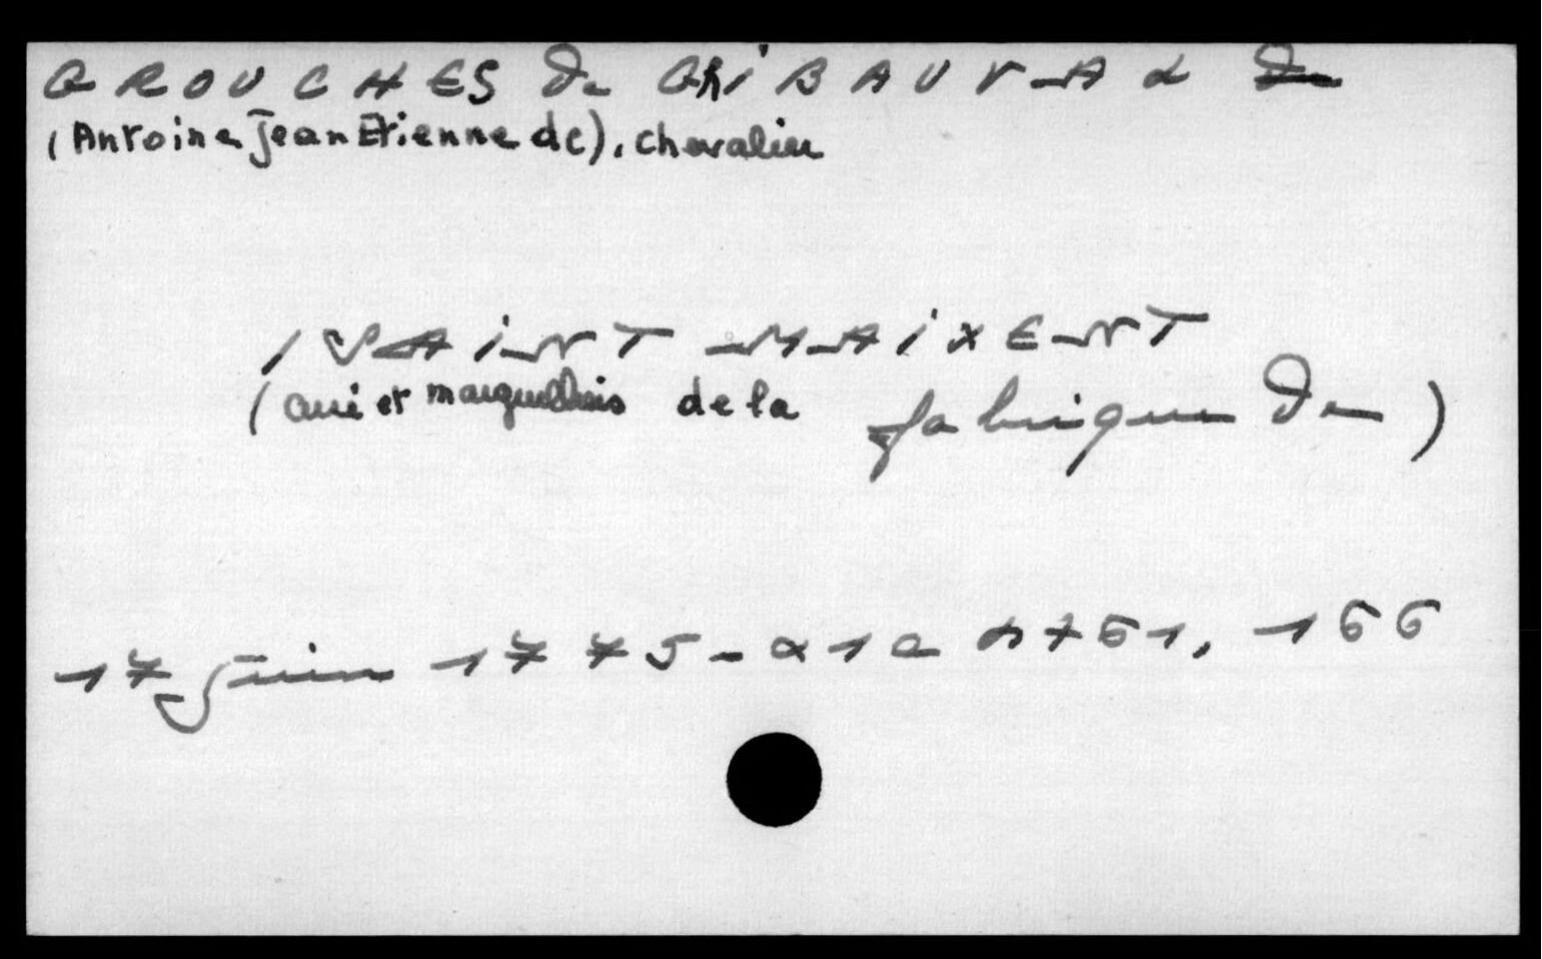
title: GROUCHES de GRIBAUVAL (Antoine-Jean-Étienne de), chevalier
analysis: Contre SAINT-MAIXENT (curé et marguilliers de la fabrique de)
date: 17 juin 1775
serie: X1a
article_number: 4761
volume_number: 166
